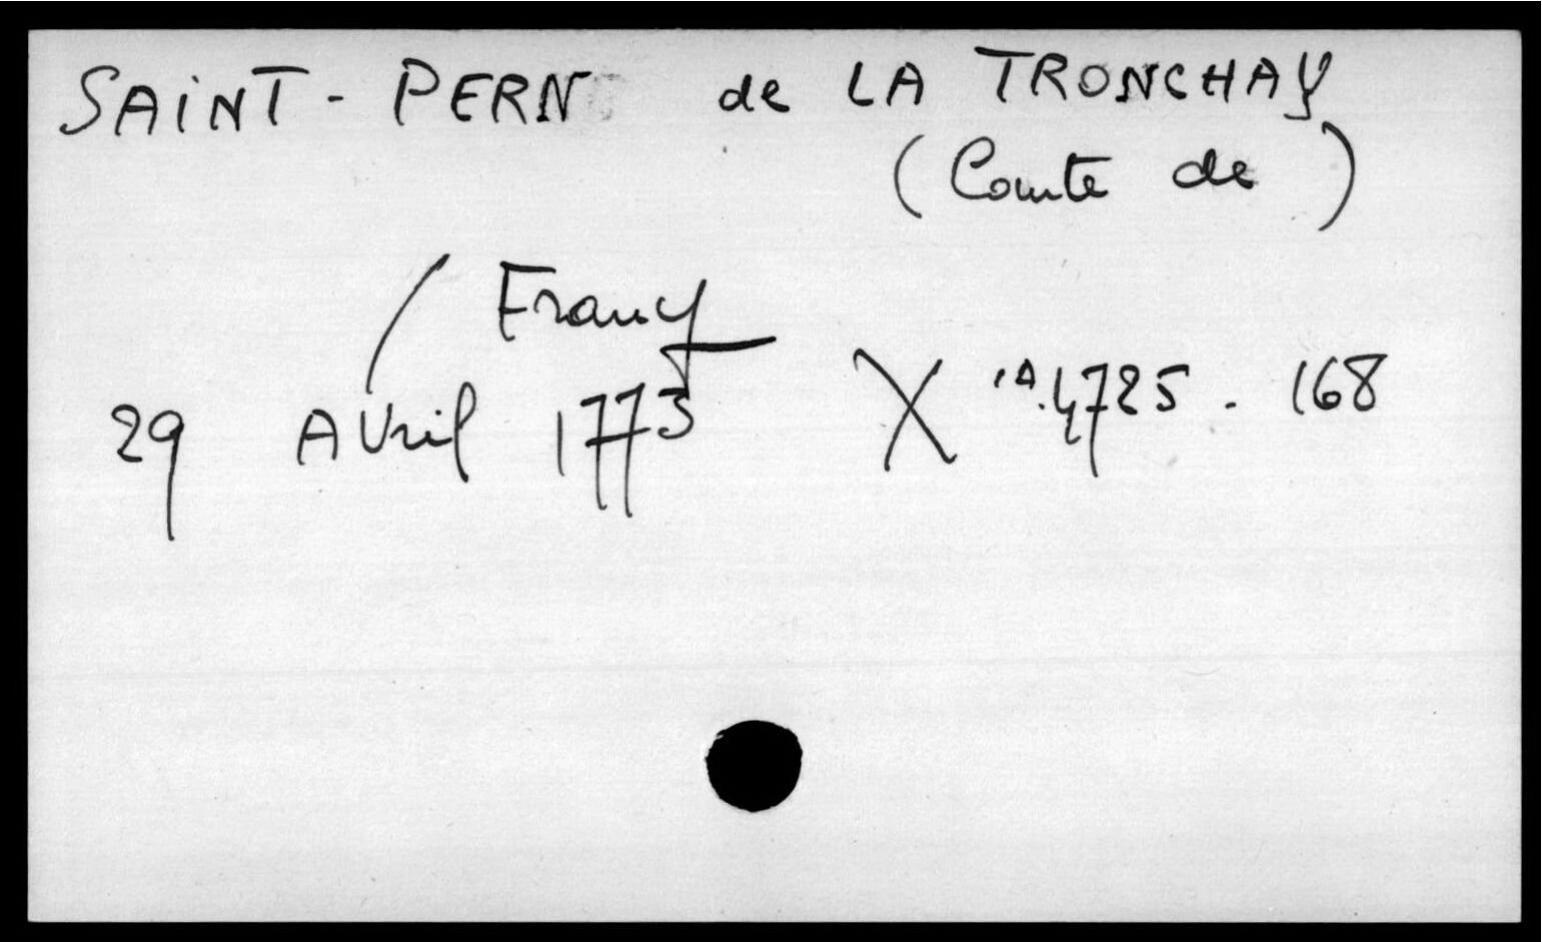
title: SAINT-PERN de LA TRONCHAY (Comte de)
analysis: Contre Frany
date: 29 avril 1773
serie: X1A
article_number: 4725
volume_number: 168
